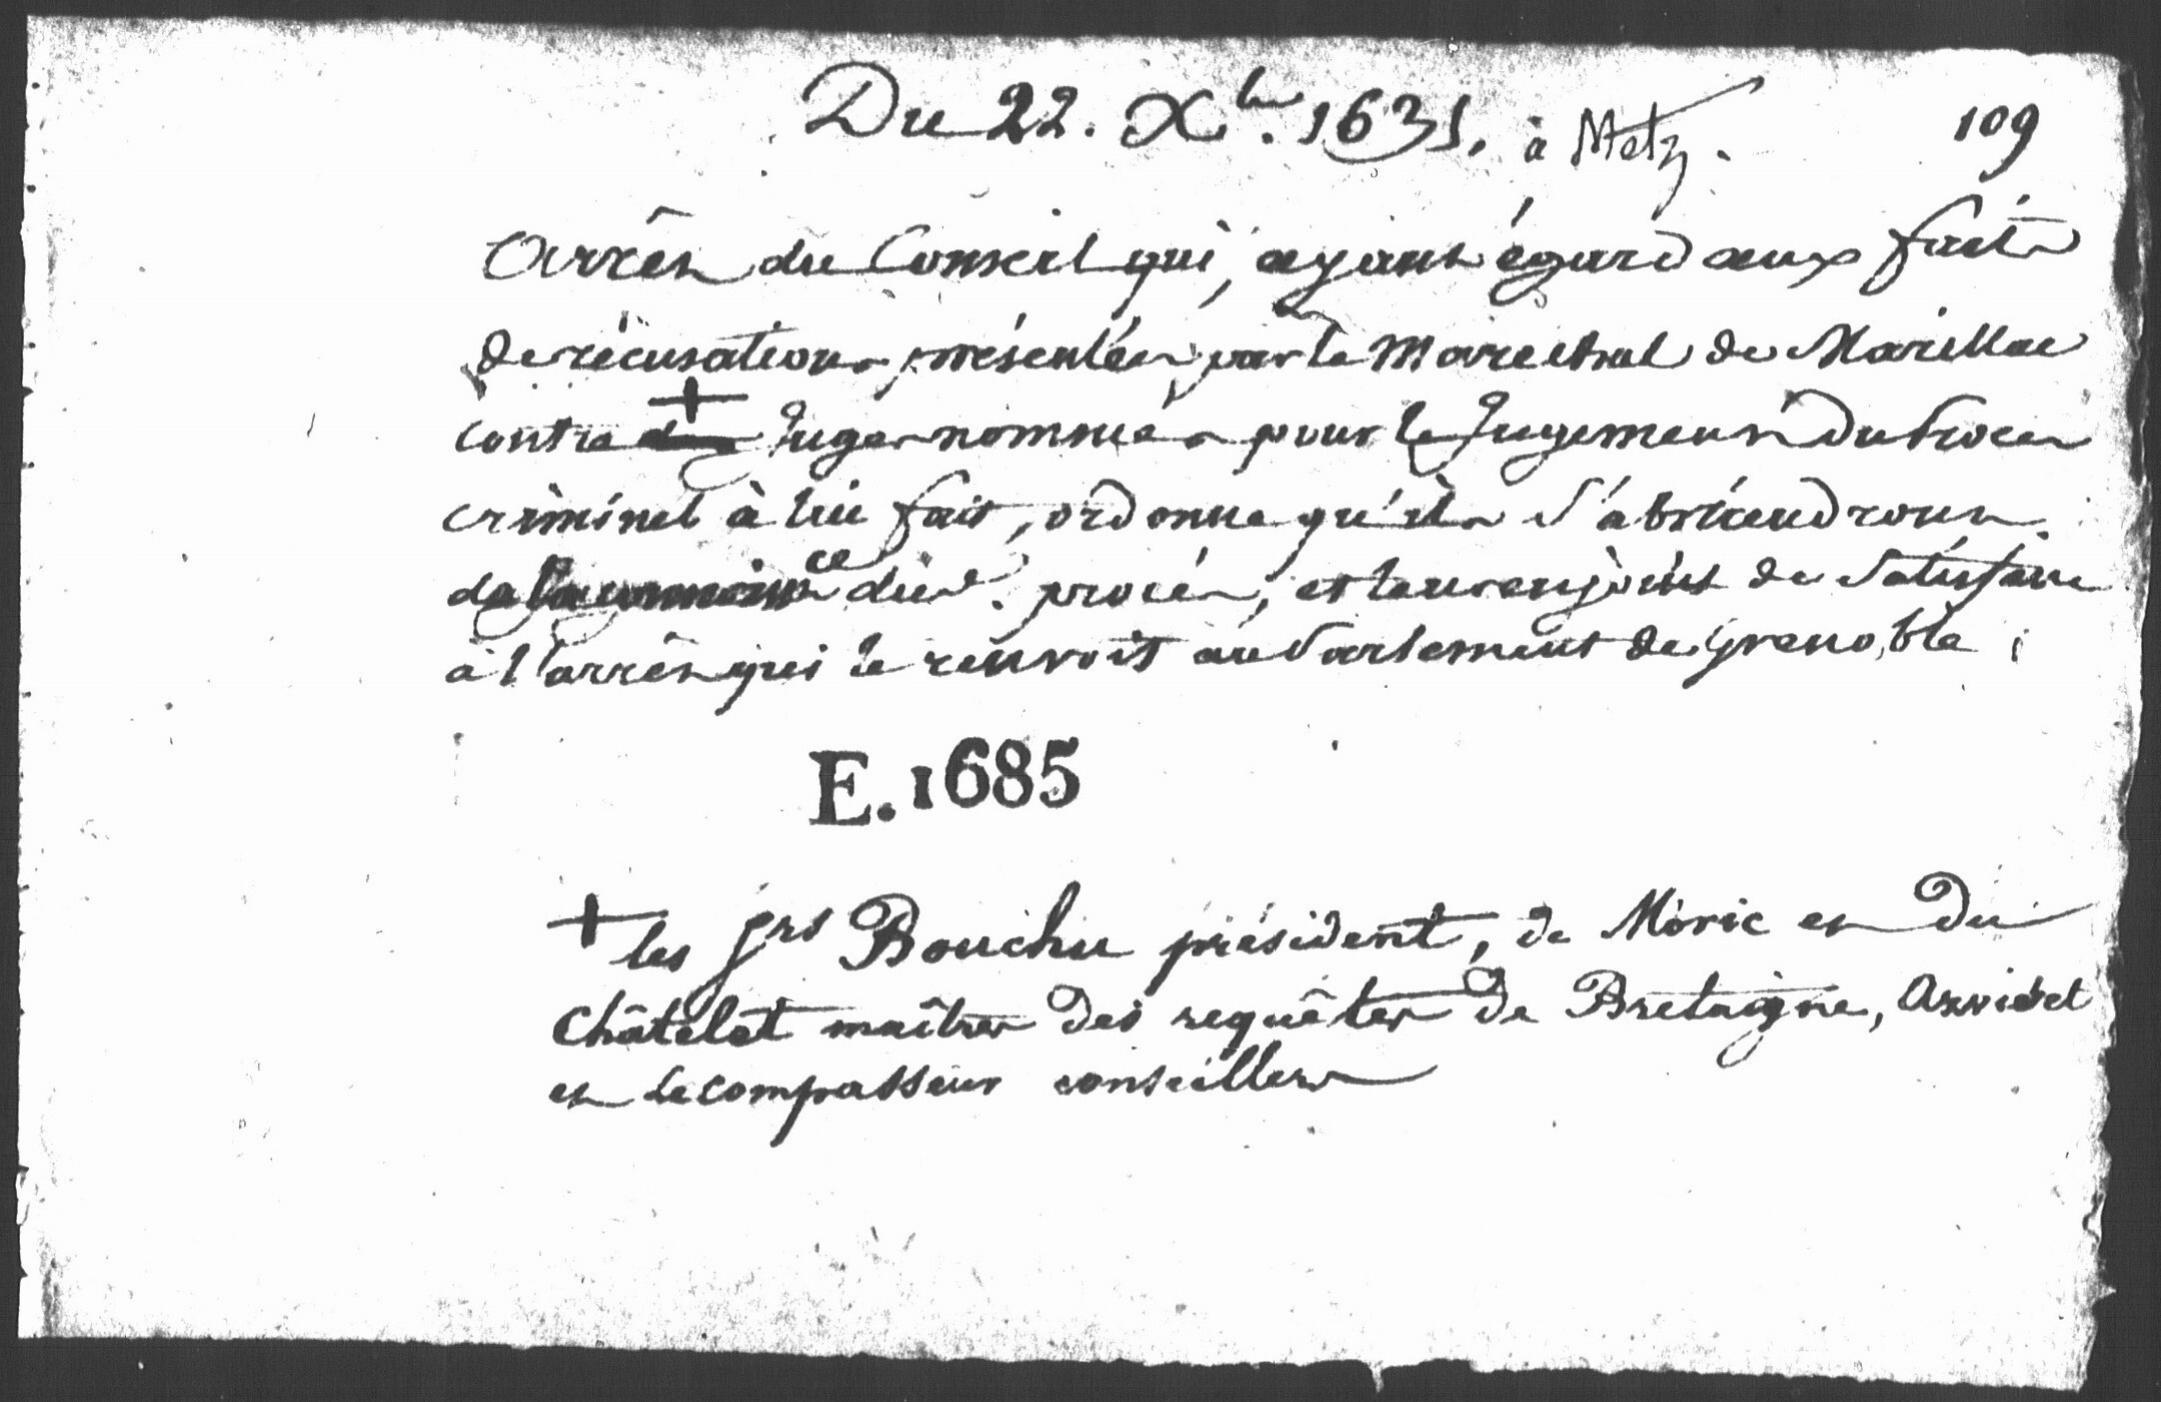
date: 22 décembre 1631
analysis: à Metz 109
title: Arrêt du Conseil qui, ayant égard aux faits de récusations présentées par le Marechal de Marillac contre les Srs Bouchu président, de Méric et du Châtelet maîtres des requêtes de Bretagne, Arviset et Le Compasseur, conseillers juges nommés pour le jugement du procès criminel à lui fait, ordonne qu'ils s'abstiendront de la connoissce dud. procès, et leur enjoint de satisfaire à l'arrêt qui le renvoit au Parlement de Grenoble.
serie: E
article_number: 1685
